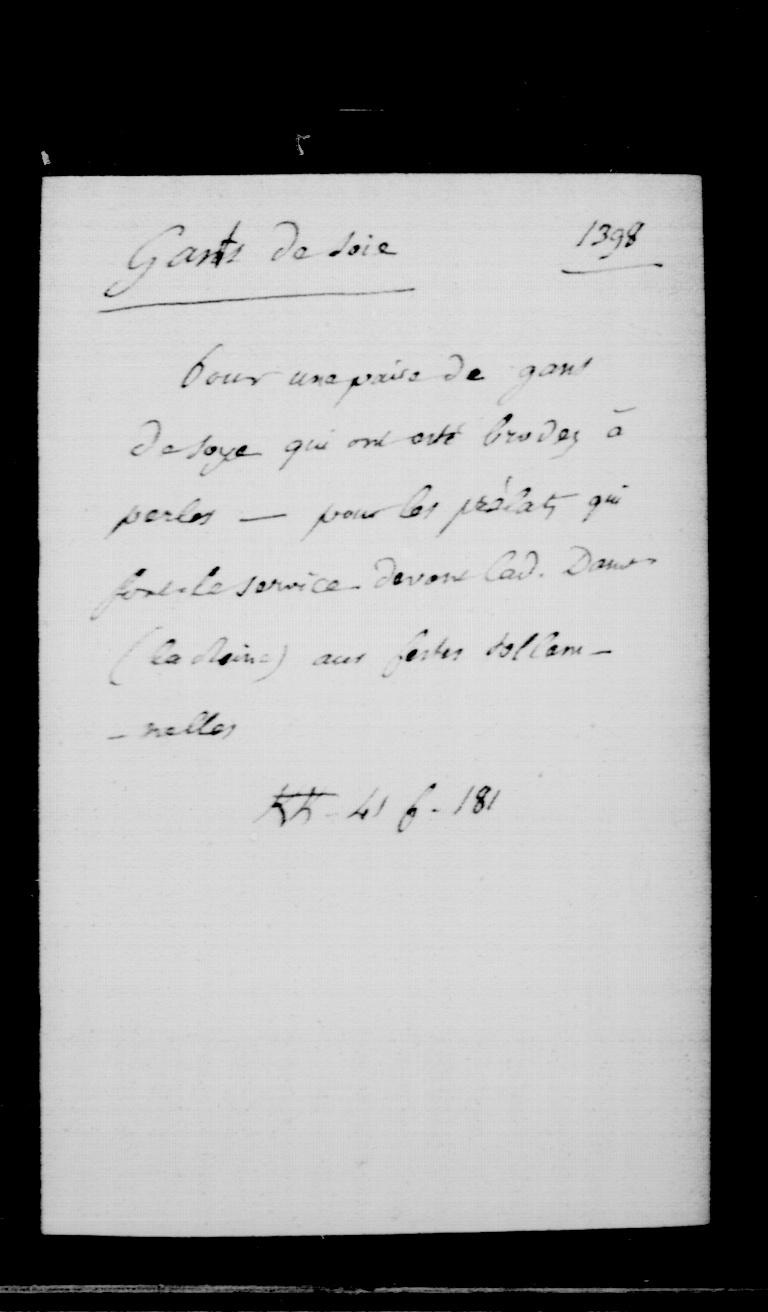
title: Gants de soie
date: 1398
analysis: Pour une paire de gans de soye qui ont esté brodez à perles – pour les prélats qui font le service devant ladite dame (la reine) aux festes solennelles
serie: KK
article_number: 41
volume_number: fol. 181
